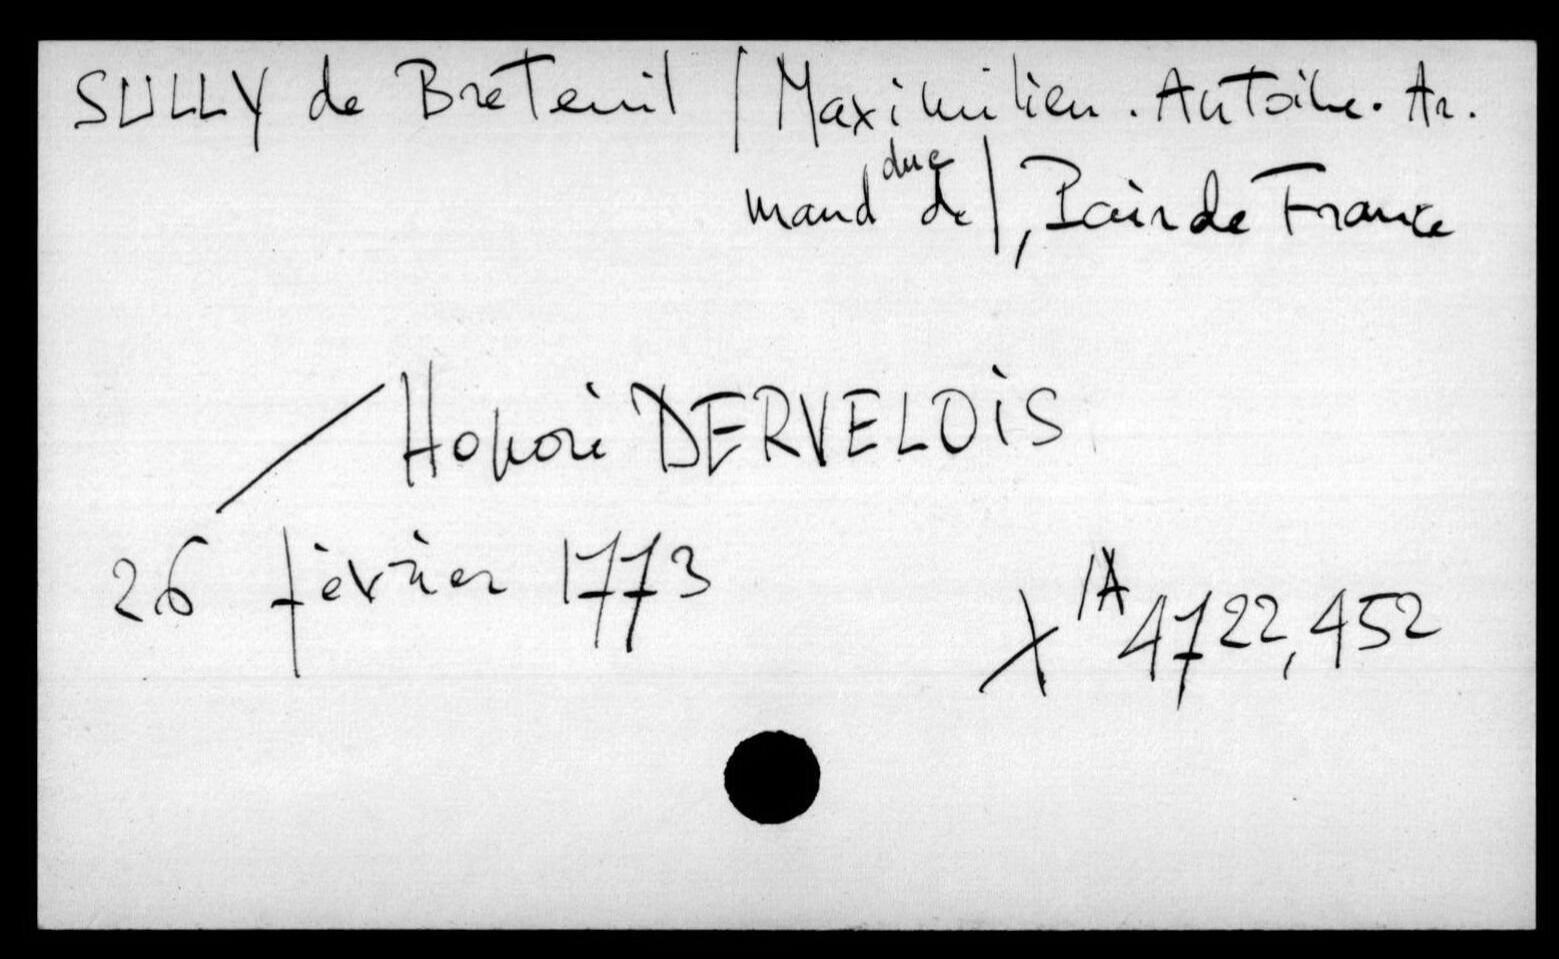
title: SULLY de Breteuil (Maximilien-Antoine-Armand duc de) Pair de France
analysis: Contre Honoré DERVELOIS
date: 26 février 1773
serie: X1A
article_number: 4722
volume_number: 452
